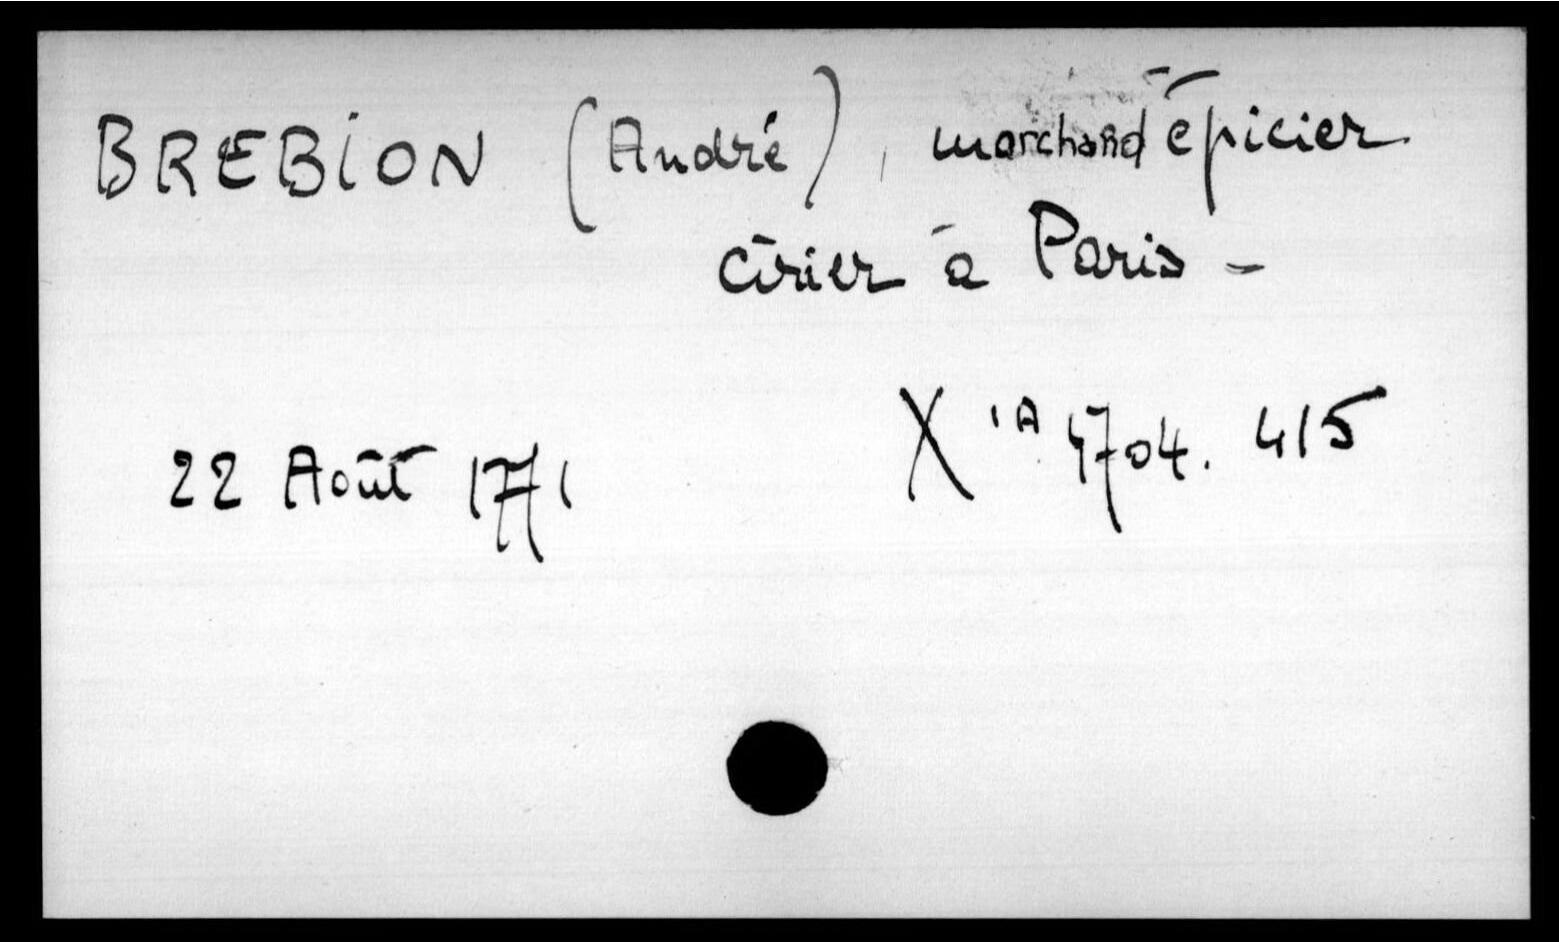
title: BREBION (André), marchand épicier cirier à Paris.
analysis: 22 août 1771
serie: X1A
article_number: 4704
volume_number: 415
